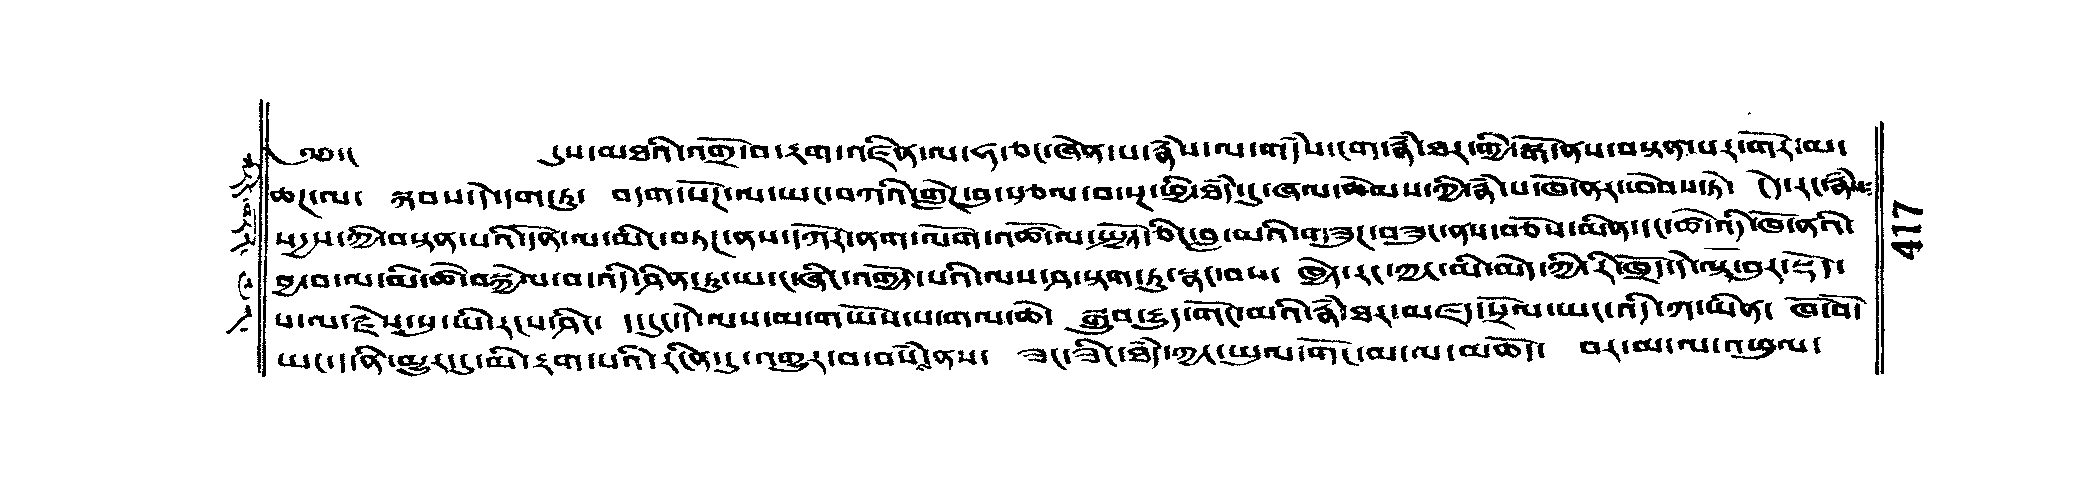དུས་མཐའི་འགྲོ་བ་རྟག་འཛིན་ལ་ཧ་ཅང་ཞེན་པ་རྣམས་ལ་གདམས་ངག་རྣམ་ཐར་གྱི་སྒོ་ནས་བསྟན་པར་གོར་མ་
ཆགས་ལ། སྐབས་དེ་དག་ཏུ་བདག་སོགས་ལ་ཡང་བཀའི་གླེགས་བུ་བསྩལ་བ་སྔ་ཕྱི་ཐམས་ཅད་དུ་ཞལ་ཆེམས་ཀྱི་རྣམ་པ་ཁོ་ནར་ཕེབས་ཏེ། ངེད་རང་རྣམས་
སངས་རྒྱས་ཀྱི་བསྟན་པའི་དོན་ལ་མིང་བཏགས་ནས་དཀོར་ནག་ལོག་འཚེ་ལ་སྤྱོད་ཅིང་བླ་མའི་གཟུགས་བཟུང་ནས་བཅོས་མིན་དང་ཚེ་འདི་ཁོ་ནའི་
བྱ་བ་ལ་མི་ཚོ་བསྐྱེལ་བ་འདི་ཤིན་ཏུ་ཡ་ང་ཞིང་འགྱོད་པའི་ལས་ཤ་སྟག་ཏུ་སྣང་བས། ཁྱེད་རང་ཀྱང་མི་མེད་ཀྱི་རི་ཁྲོད་དེ་ལྟ་བུར་སྡོད་
པ་ལ་རྗེས་སུ་ཡི་རངས་ཤིང་། ད་དུང་དེ་ལས་མ་གཡོས་པ་གལ་ཆེ། སྒྲུབ་རྒྱུད་གོང་མའི་རྣམ་ཐར་མཛད་སྲོལ་ཡང་འདི་ཀ་ཡིན། ཁོ་བོ་
ཡང་ད་ནི་མྱུར་དུ་མི་རྟག་པའི་རང་བཞིན་དུ་འགྱུར་བ་བསམ་ནས། ཟང་ཟིང་ཐམས་ཅད་ཀྱང་ཡུལ་གོང་མ་ལ་མཆོད། བར་མ་ལ་ཕུལ།